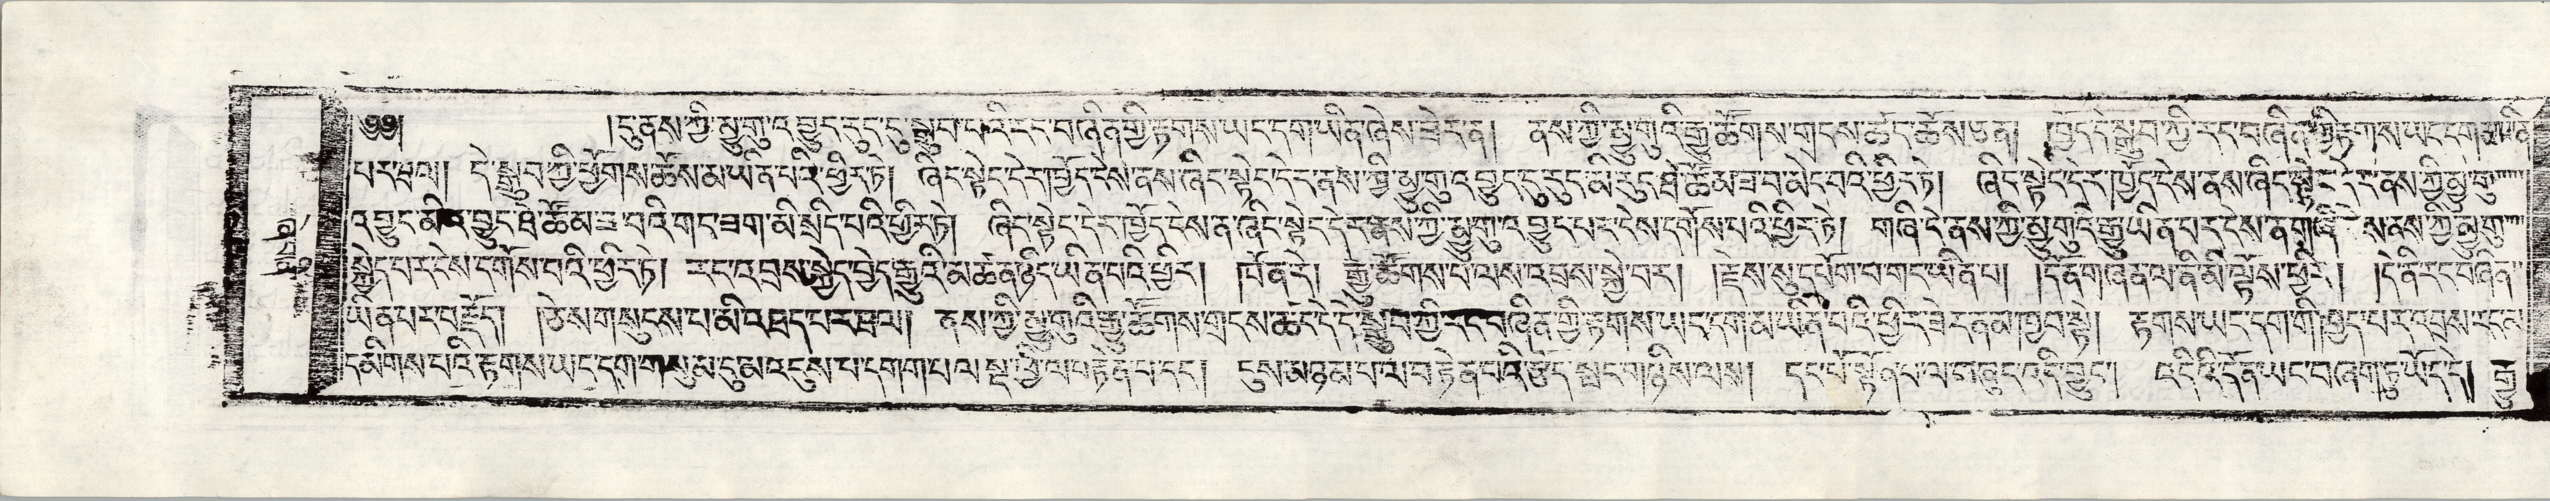༄༅། །དུ་ནས་ཀྱི་མྱུ་གུ་འབྱུང་རུང་དུ་སྒྲུབ་པའི་རང་བཞིན་གྱི་རྟགས་ཡང་དག་ཡིན་ཞེས་ཟེར་ན། ནས་ཀྱི་མྱུ་གུའི་རྒྱུ་ཚོགས་གྲངས་ཚང་ཆོས་ཅན། ཁྱོད་དེ་སྒྲུབ་ཀྱི་རང་བཞིན་གྱི་རྟགས་ཡང་དག་མ་ཡིན་
པར་ཐལ། དེ་སྒྲུབ་ཀྱི་ཕྱོགས་ཆོས་མ་ཡིན་པའི་ཕྱིར་ཏེ། ཞིང་སྟེང་དེར་ཁྱོད་ངེས་ནས་ཞིང་སྟེང་དེར་ནས་ཀྱི་མྱུ་གུ་འབྱུང་དུ་རུང་མི་རུང་ཐེ་ཚོམ་ཟ་བ་མེད་པའི་ཕྱིར་ཏེ། ཞིང་སྟེང་དེར་ཁྱོད་ངེས་ནས་ཞིང་སྟེང་དེར་ནས་ཀྱི་མྱུ་གུ་
འབྱུང་མི་འབྱུང་ཐེ་ཚོམ་ཟ་བའི་གང་ཟག་མི་སྲིད་པའི་ཕྱིར་ཏེ། ཞིང་སྟེང་དེར་ཁྱོད་ངེས་ན་ཞིང་སྟེང་དེར་ནས་ཀྱི་མྱུ་གུ་འབྱུང་བར་ངེས་དགོས་པའི་ཕྱིར་ཏེ། གཞི་དེ་ནས་ཀྱི་མྱུ་གུའི་རྒྱུ་ཡིན་པར་ངེས་ན་གཞི་དེས་ནས་ཀྱི་མྱུ་གུ་
སྐྱེད་པར་ངེས་དགོས་པའི་ཕྱིར་ཏེ། རང་འབྲས་སྐྱེད་བྱེད་རྒྱུའི་མཚན་ཉིད་ཡིན་པའི་ཕྱིར། ཁོ་ན་རེ། རྒྱུ་ཚོགས་པ་ལས་འབྲས་སྐྱེ་བར། །རྗེས་སུ་དཔོག་པ་གང་ཡིན་པ། །དོན་གཞན་ལ་ནི་མི་ལྟོས་ཕྱིར། །དེ་ནི་རང་བཞིན་
ཡིན་པར་བརྗོད། །ཅེས་གསུངས་པ་མི་འཐད་པར་ཐལ། ནས་ཀྱི་མྱུ་གུའི་རྒྱུ་ཚོགས་གྲངས་ཚང་དེ་དེ་སྒྲུབ་ཀྱི་རང་བཞིན་གྱི་རྟགས་ཡང་དག་མ་ཡིན་པའི་ཕྱིར་ཟེར་ན་མ་ཁྱབ་སྟེ། རྟགས་ཡང་དག་གི་ཁྱད་པར་འབྲས་རང་མ་
དམིགས་པའི་རྟགས་ཡང་དག་གསུམ་དུ་མ་འདུས་པ་དགག་པ་ལ་སྔ་ཕྱི་ལ་བརྟེན་པ་དང་། དུས་མཉམ་པ་ལ་བརྟེན་པའི་རྩོད་སྤོང་གཉིས་ལས། དང་པོ་སྟོན་པ་ལ་གཞུང་འདི་བྱུང་། འདིའི་དོན་ཡང་བཞག་ཏུ་ཡོད་དེ། རྒྱུ་